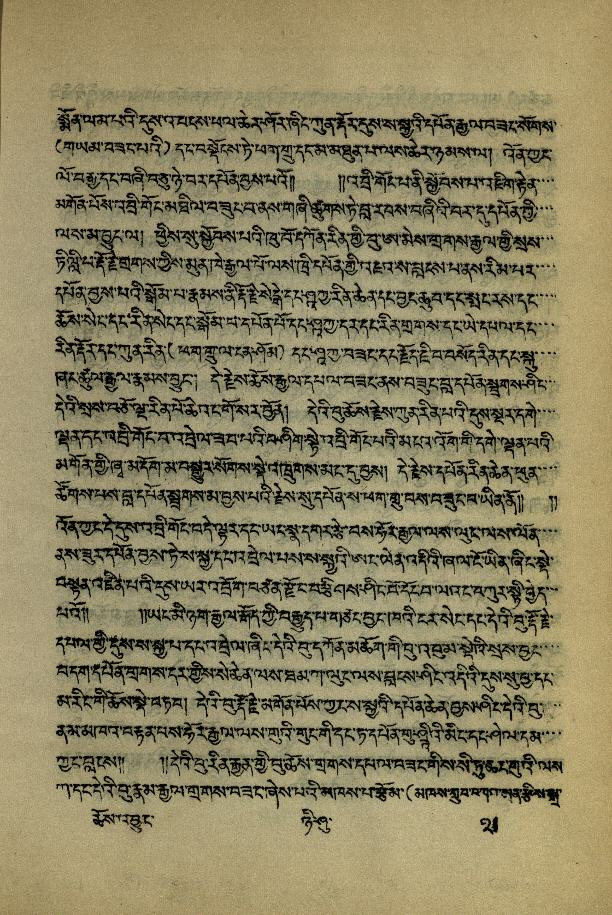སྨོན་ལམ་པའི་དུས་འབངས་ཕལ་ཆེར་ཤོར་ཞིང་ཀུན་རྡོར་དུས་ས་སྐྱའི་དཔོན་རྒྱལ་བཟང་སོགས་
གཡམ་བཟང་པའི་དང་བསྡོངས་ཏེ་ཕག་གྲུ་དང་མ་མཐུན་པ་ལས་ཆེར་ཉམས་ལ། འོན་ཀྱང་
ལོ་བརྒྱ་དང་བཞི་བཅུ་ཉེ་བར་དཔོན་བྱས་པའོ།། །།འབྲི་གོང་པ་ནི་སྐྱོབས་པ་འཇིག་རྟེན་
མགོན་པོས་འབྲི་གོང་མཐིལ་བཟུང་བ་ནས་གཞི་ཚུགས་ཏེ་བླ་རབས་བཞིའི་བར་དུ་དཔོན་གྱི་
ལས་མ་བྱུང་ལ། ཕྱིས་སུ་སྐྱོབས་པའི་ཁུ་བོ་དཀོན་རིན་གྱི་བུ་ཨ་མེས་གྲགས་རྒྱལ་གྱི་སྲས་
ཏིལླི་པ་རྡོ་རྗེ་གྲགས་ཀྱིས་མུན་ཁེ་རྒྱལ་པོ་ལས་ཁྲི་དཔོན་གྱི་འཇའ་ས་བླངས་པ་ནས་རིམ་པར་
དཔོན་བྱས་པའི་སྒོམ་པ་རྣམས་ནི་རྡོ་རྗེ་སེངྒེ་དང་ཤཱཀྱ་རིན་ཆེན་དང་བྱང་ཆུབ་དང་སྤང་རས་དང་
ཆོས་སེང་དང་རིན་སེང་དང་སྒོམ་པ་དཔོན་པོ་དང་ཤཱཀྱ་དར་དང་རིན་གྲགས་དང་ཡེ་དཔལ་དང་
རིན་རྡོར་དང་ཀུན་རིན་ཕག་གྲུ་ལ་ངན་ཤོམ་དང་ཤཱཀྱ་བཟང་དང་རྗོད་ཇི་བ་བསོད་རིན་དང་སྐུ་
ཞང་ཚུལ་རྒྱལ་རྣམས་བྱུང་། དེ་རྗེས་ཆོས་རྒྱལ་དཔལ་བཟང་ནས་བཟུང་བླ་དཔོན་སྦྲགས་ཤིང་
དེའི་སྲས་བཅོ་ལྔ་རིན་པོ་ཆེའང་གོ་སར་བྱོན། དེའི་བུ་ཆོས་རྗེས་ཀུན་རིན་པའི་དུས་སྔར་དགེ་
ལྡན་དང་འབྲི་གོང་བ་འབྲེལ་ཟབ་པའི་བཤིག་སྟེ་འབྲི་གོང་པའི་མངའ་འོག་གི་དགེ་ལྡན་པའི་
མགོན་གྱི་ཞྭ་མདོག་མ་བསྒྱུར་སོགས་སྡེ་འཁྲུགས་མང་དུ་བྱས། དེ་རྗེས་དཔོན་རིན་ཆེན་ཕུན་
ཚོགས་པས་བླ་དཔོན་སྦྲགས་མ་བྱས་པའི་རྗེས་སུ་དཔོན་ས་ཕག་གྲུ་བས་བཟུང་བ་ཡིན་ནོ།། །།
འོན་ཀྱང་དེ་དུས་འབྲི་གོང་བདེ་ལྟར་དང་ཡང་སྣ་དགར་རྩེ་བས་ཧོར་རྒྱལ་ལས་ལུང་ལས་ལོན་
ནས་ཟུར་དཔོན་བྱས་ཏེ་ས་སྐྱ་དང་འབྲེལ་པས་ས་སྐྱའི་ཨང་ལེན་འདིའི་ཞལ་ངོ་ཡིན་ཞིང་སྡེ་
བསྟན་འཛིན་པའི་དུས་ཡར་འབྲོག་བཙན་རྫོང་བརྩིགས་ཤིང་བོ་དོང་བ་ལའང་བཀུར་སྟི་བྱེད་
པའོ།། །།ཡང་མི་ཉག་རྒྱལ་རྒོད་ཀྱི་བརྒྱུད་པ་གཙང་བྱང་ཁའི་ངར་སེང་དང་དེའི་བུ་རྡོ་རྗེ་
དཔལ་གྱི་དུས་ས་སྐྱ་པ་དང་འབྲེལ་ཞིང་དེའི་བུ་དཀོན་མཆོག་གི་བུ་འབུམ་སྡེའི་སྲས་བྱང་
བདག་དཔོན་གྲགས་དར་གྱིས་སེ་ཆེན་ལས་ཐམ་ཀ་ལུང་ལས་བླངས་ཤིང་འདིའི་དུས་སུ་བྱ་དང་
མ་རིང་གི་ཆོས་སྡེ་བཏབ། དེའི་བུ་རྡོ་རྗེ་མགོན་པོས་ཀྱང་ས་སྐྱའི་དཔོན་ཆེན་བྱས་ཤིང་དེའི་བུ་
ནམ་མཁའ་བརྟན་པས་ཧོར་རྒྱལ་ལས་གུའི་གུང་གི་དང་ཏ་དཔོན་གུ་ཤྲཱིའི་མིང་དང་ཤེལ་དམ་
ཀྱང་བླངས།། །།དེའི་བུ་རིན་རྒྱན་གྱི་བུ་ཆོས་གྲགས་དཔལ་བཟང་གིས་སི་ཏུ་ཆུང་གུའི་ལས་
ཀ་དང་དེའི་བུ་རྣམ་རྒྱལ་གྲགས་བཟང་ཞེས་པའི་མཁས་པ་རྩོམ་མཁས་གྲུབ་བཀའ་སྨན་རྩིས་སྒྲ་